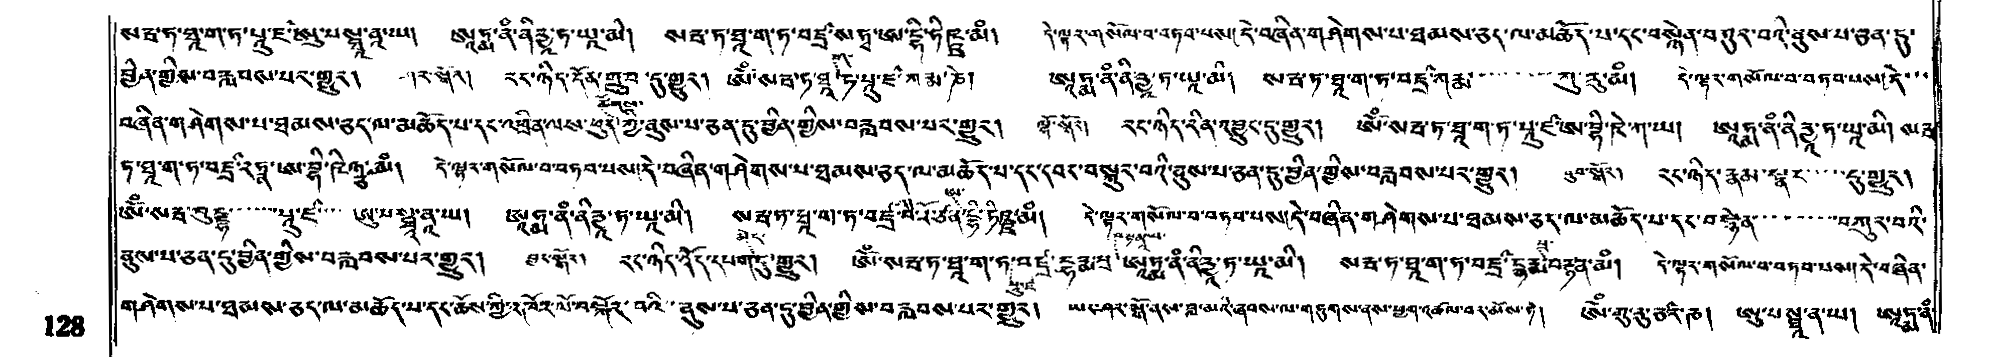སརྦ་ཏ་ཐཱ་ག་ཏ་པཱུ་ཛ་ཨུ་པསྠཱ་ནཱ་ཡ། ཨཱཏྨ་ནཾ་ནི་རྱཱ་ཏ་ཡཱ་མི། སརྦ་ཏ་ཐཱ་ག་ཏ་བཛྲ་སཏྭ་ཨ་དྷི་ཏིཥཊཿཨ་མཾ། དེ་ལྟར་གསོལ་བ་བཏབ་པས།  དེ་བཞིན་གཤེགས་པ་ཐམས་ཅད་ལ་མཆོད་པ་དང་བསྙེན་བཀུར་བའི་ནུས་པ་ཅན་དུ་
བྱིན་གྱིས་བརླབས་པར་གྱུར། ཤར་སྒོར།  རང་ཉིད་དོན་གྲུབ་དུ་གྱུར། ཨོཾ་སརྦ་ཏ་ཐཱ་ག་ཏ་པཱུ་ཛ་ཀརྨ་ཎེ། ཨཱཏྨ་ནཾ་ནི་རྱཱ་ཏ་ཡཱ་མི། སརྦ་ཏ་ཐཱ་ག་ཏ་བཛྲ་ཀརྨ་ཀུ་རུ་མཾ། དེ་ལྟར་གསོལ་བ་བཏབ་པས། དེ
བཞིན་གཤེགས་པ་ཐམས་ཅད་ལ་མཆོད་པ་དང་འཕྲིན་ལས་ཕུན་ཚོགས་ཀྱི་ནུས་པ་ཅན་དུ་བྱིན་གྱིས་བརླབས་པར་གྱུར། ལྷོ་སྒོར།  རང་ཉིད་རིན་འབྱུང་དུ་གྱུར། ཨོཾ་སརྦ་ཏ་ཐཱ་ག་ཏ་པཱུ་ཛ་ཨ་བྷི་ཥེ་ཀ་ཡ། ཨཱཏྨ་ནཾ་ནི་རྱཱ་ཏ་ཡཱ་མི། སརྦ་
ཏ་ཐཱ་ག་ཏ་བཛྲ་རཏྣ་ཨ་བྷི་ཥིཉྩ་མཾ། དེ་ལྟར་གསོལ་བ་བཏབ་པས།  དེ་བཞིན་གཤེགས་པ་ཐམས་ཅད་ལ་མཆོད་པ་དང་དབང་བསྐུར་བའི་ནུས་པ་ཅན་དུ་བྱིན་གྱིས་བརླབས་པར་གྱུར། ནུབ་སྒོར།  རང་ཉིད་རྣམ་སྣང་དུ་གྱུར།
ཨོཾ་སརྦ་བུདྡྷ་པཱུ་ཛ་ཨུ་པ་སྠཱ་ནཱ་ཡ། ཨཱཏྨ་ནཾ་ནིརྱཱ་ཏ་ཡཱ་མི། སརྦ་ཏ་ཐཱ་ག་ཏ་བཛྲ་བཻ་རོ་ཙ་ན་ཨ་དྷི་ཏིཥཊཿཨ་མཾ། དེ་ལྟར་གསོལ་བ་བཏབ་པས། དེ་བཞིན་གཤེགས་པ་ཐམས་ཅད་ལ་མཆོད་པ་དང་བསྙེན་བཀུར་བའི་
ནུས་པ་ཅན་དུ་བྱིན་གྱིས་བརླབས་པར་གྱུར། བྱང་སྒོར།  རང་ཉིད་འོད་དཔག་མེད་དུ་གྱུར། ཨོཾ་སརྦ་ཏ་ཐཱ་ག་ཏ་པཱུ་ཛ་བཛྲ་དྷརྨ་པྲ་བསྟན་པ་ཨཱཏྨ་ནཾ་ནི་རྱཱ་ཏ་ཡཱ་མི། སརྦ་ཏ་ཐཱ་ག་ཏ་བཛྲ་དྷརྨ་པྲ་བརྟན་མཾ། དེ་ལྟར་གསོལ་བ་བཏབ་པས། དེ་བཞིན་
གཤེགས་པ་ཐམས་ཅད་ལ་མཆོད་པ་དང་ཆོས་ཀྱི་འཁོར་ལོ་བསྐོར་བའི་ནུས་པ་ཅན་དུ་བྱིན་གྱིས་བརླབས་པར་གྱུར། ཡང་ཤར་སྒོ་ནས་བླ་མའི་ཞབས་ལ་གཏུགས་ནས་ཕྱག་འཚལ་བར་མོས་ཏེ།  ཨོཾ་གུ་རུ་ཙ་ན་ཎ། ཨུ་པ་སྠཱ་ན་ཡ། ཨཱཏྨ་ནཾ།